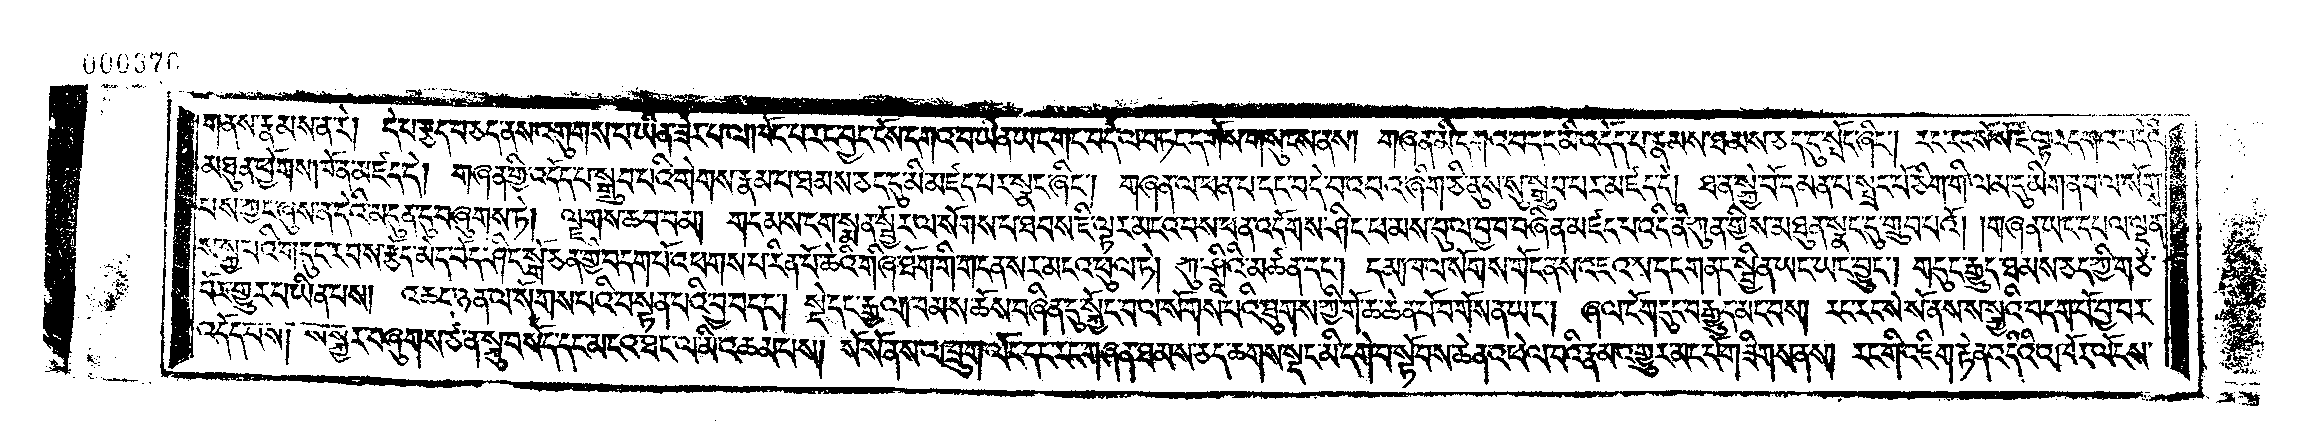གནས་རྣམས་ན་རེ། དེ་པ་རྩད་བཅད་ནས་འགུགས་པ་ཡིན་ཟེར་པ་ལ་ཁོང་པ་རང་བྱང་ངོས་དགའ་བ་ཡིན་ཡང་གང་བདེ་ལ་བཏང་དགོས་གསུངས་ནས། གཞན་མི་དགའ་བ་དང་མི་འདོད་པ་རྣམས་ཐམས་ཅད་དུ་སྤོང་ཞིང་། རང་རང་སོ་སོ་ཇི་ལྟར་དགའ་བདེའི་
མཐུན་ཕྱོགས་ཁོ་ན་མཛད་དེ། གཞན་གྱི་འདོད་པ་སྒྲུབ་པའི་གེགས་རྣམ་པ་ཐམས་ཅད་དུ་མི་མཛད་པར་སྣང་ཞིང་། གཞན་ལ་ཕན་པ་དང་བདེ་བ་འབའ་ཞིག་ཅི་ནུས་སུ་སྒྲུབ་པར་མཛད་དེ། ཐ་ན་སྐྱེ་བོ་དམན་པ་སྤྲང་པོ་ཅིག་གི་ལམ་དུ་མིག་ན་བ་ལ་སོགས་
པས་ཀྱང་ཞུས་ན་དེའི་མདུན་དུ་བཞུགས་ཏེ། ལྗགས་ཆབ་བམ། གདམས་ངག་སྨན་སྦྱོར་ལ་སོགས་པ་ཐབས་ཇི་ལྟར་མངའ་བས་ཕན་འདོགས་ཤིང་ཕ་མས་བུ་ལ་བྱ་བ་བཞིན་མཛད་པ་འདི་ནི་ཀུན་གྱིས་མཐུན་སྣང་དུ་གྲུབ་པའོ། །གཞན་ཡང་དཔལ་ལྡན་
ས་སྐྱ་པའི་གདུང་རབས་རྩོད་མེད་བོད་ཤིང་སྒོ་ཅན་གྱི་བདག་པོ་འཕགས་པ་རིན་པོ་ཆེའི་གཞི་ཐོག་གི་གདན་སར་མངའ་ཕུལ་ཏེ། ཀུ་ཤྲཱིའི་མཚན་དང་། དམ་ཁ་ལ་སོགས་གོང་ནས་འཇའ་ས་དང་གནང་སྦྱིན་ཡང་ཡང་བྱུང་། གདུང་རྒྱུད་ཐམས་ཅད་ཀྱི་གཙོ་
བོར་གྱུར་པ་ཡིན་པས། འཆད་ཉན་ལ་སོགས་པའི་བསྟན་པའི་བྱ་བ་དང་། སྡེ་དང་རྒྱལ་ཁམས་ཆོས་བཞིན་དུ་སྐྱོང་བ་ལ་སོགས་པའི་ཐུགས་ཀྱི་གོ་ཆ་ཆེན་པོ་བགོས་ན་ཡང་། ཞལ་ངོ་གདུང་བརྒྱུད་མང་བས། རང་རང་སེ་སོ་ནས་ས་སྐྱའི་བདག་པོ་བྱ་པར་
འདོད་པས། ས་སྐྱར་བཞུགས་ཙ་ན་སྐུ་བསོད་དང་མངའ་ཐང་ལ་མི་འཆམ་པས། སོ་སོ་ནས་འཁྲུག་ལོང་དང་རང་གཞན་ཐམས་ཅད་ཆགས་སྡང་མི་དགེ་བ་སྟོབས་ཆེན་འཕེལ་བའི་རྣམ་འགྱུར་མང་པོ་གཟིགས་ནས། རང་གི་འཇིག་རྟེན་འདིའི་འཁོར་ལོངས་